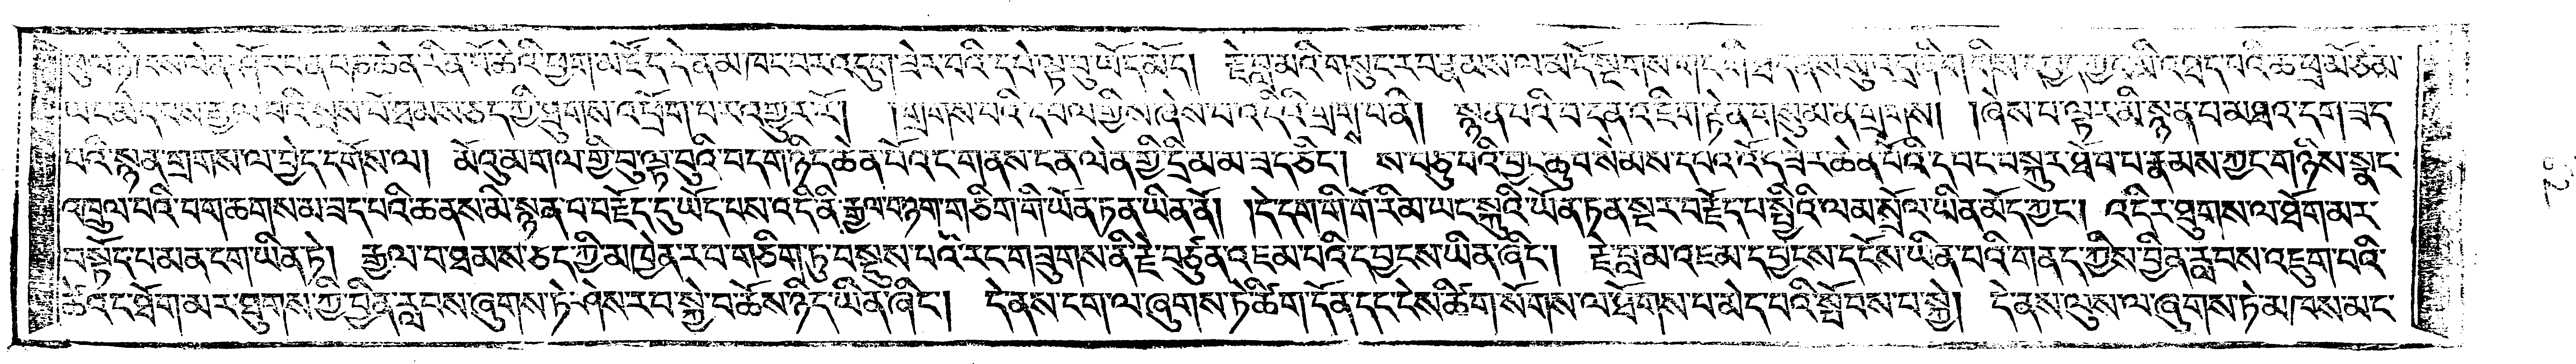ཕུལ་ཏེ་ཁས་ལེན་ཤོར་བ་ནོ་པཎ་ཆེན་རིན་པོ་ཆེའི་ཕྱག་མཛོད་དེ་ནམ་ཁང་བར་འདུག་ཟེར་བའི་དཔེ་ལྟ་བུ་ཡོད་མོད། རྗེ་བླ་མའི་གསུང་རབ་རྣམས་ལ་མདོ་སྔགས་གང་གི་ཐད་ནས་སུ་འདྲ་ཞིག་གིས་དཔྱད་ཀྱང་མི་འཐད་པའི་ཆ་ཕྲ་མོ་ཙམ་
ཡང་མེད་པས་རྒྱལ་བའི་སྤས་པོ་ཐམས་ཅད་ཀྱི་ཐུགས་འཕྲོག་པར་འགྱུར་རོ། །གྲགས་པའི་དཔལ་གྱིས་ཞེས་པ་འདིའི་གྲགས་པ་ནི། སྙན་པའི་བ་དན་འཇིག་རྟེན་གསུམ་ན་གྲགས། །ཞེས་པ་ལྟར་མི་སྙན་པ་མཐའ་དག་ཟད་
པའི་སྙན་གྲགས་ལ་བྱེད་དགོས་ལ། མོའུམ་གལ་གྱི་བུ་ལྟ་བུའི་བདག་ཉིད་ཆེན་པོའང་གནས་ངན་ལེན་གྱི་དྲི་མ་མ་ཟད་ཅིང་། ས་བཅུ་བའི་བྱང་ཆུབ་སེམས་དཔའ་འོད་ཟེར་ཆེན་པོའི་དབང་བསྐུར་ཐོབ་པ་རྣམས་ཀྱང་གཉིས་སྣང་
འཁྲུལ་བའི་བག་ཆགས་མ་ཟད་པའི་ཆ་ནས་མི་སྙན་བ་བརྗོད་དུ་ཡོད་པས་འདི་ནི་རྒྱལ་བ་ཉག་གཅིག་གི་ཡོན་ཏན་ཡིན་ནོ། །དེ་དག་གི་གོ་རིམ་ཡང་སྐུའི་ཡོན་ཏན་སྔར་བརྗོད་པ་སྤྱིའི་ལམ་སྲོལ་ཡིན་མོད་ཀྱང་། འདིར་ཐུགས་ལ་ཐོག་མར་
བསྟོད་པ་མན་ངག་ཡིན་ཏེ། རྒྱལ་བ་ཐམས་ཅད་ཀྱི་མཁྱེན་རབ་གཅིག་ཏུ་བསྡུས་པའི་རང་གཟུགས་ནི་རྗེ་བཙུན་འཇམ་པའི་དབྱངས་ཡིན་ཞིང་། རྗེ་བླ་མ་འཇམ་དབྱངས་དངོས་ཡིན་པའི་གནད་ཀྱིས་བྱིན་རླབས་འཇུག་པའི་
ཚེའང་ཐོག་མར་ཐུགས་ཀྱི་བྱིན་རླབས་ཞུགས་ཏེ་ཤེས་རབ་སྐྱེ་བ་ཆོས་ཉིད་ཡིན་ཞིང་། དེ་ནས་ངག་ལ་ཞུགས་ཏེ་ཚིག་དོན་དང་ངེས་ཚིག་སོགས་ལ་ཐོགས་པ་མེད་པའི་སྤོབས་བ་སྐྱེ། དེ་ནས་ལུས་ལ་ཞུགས་ཏེ་མཁས་མང་